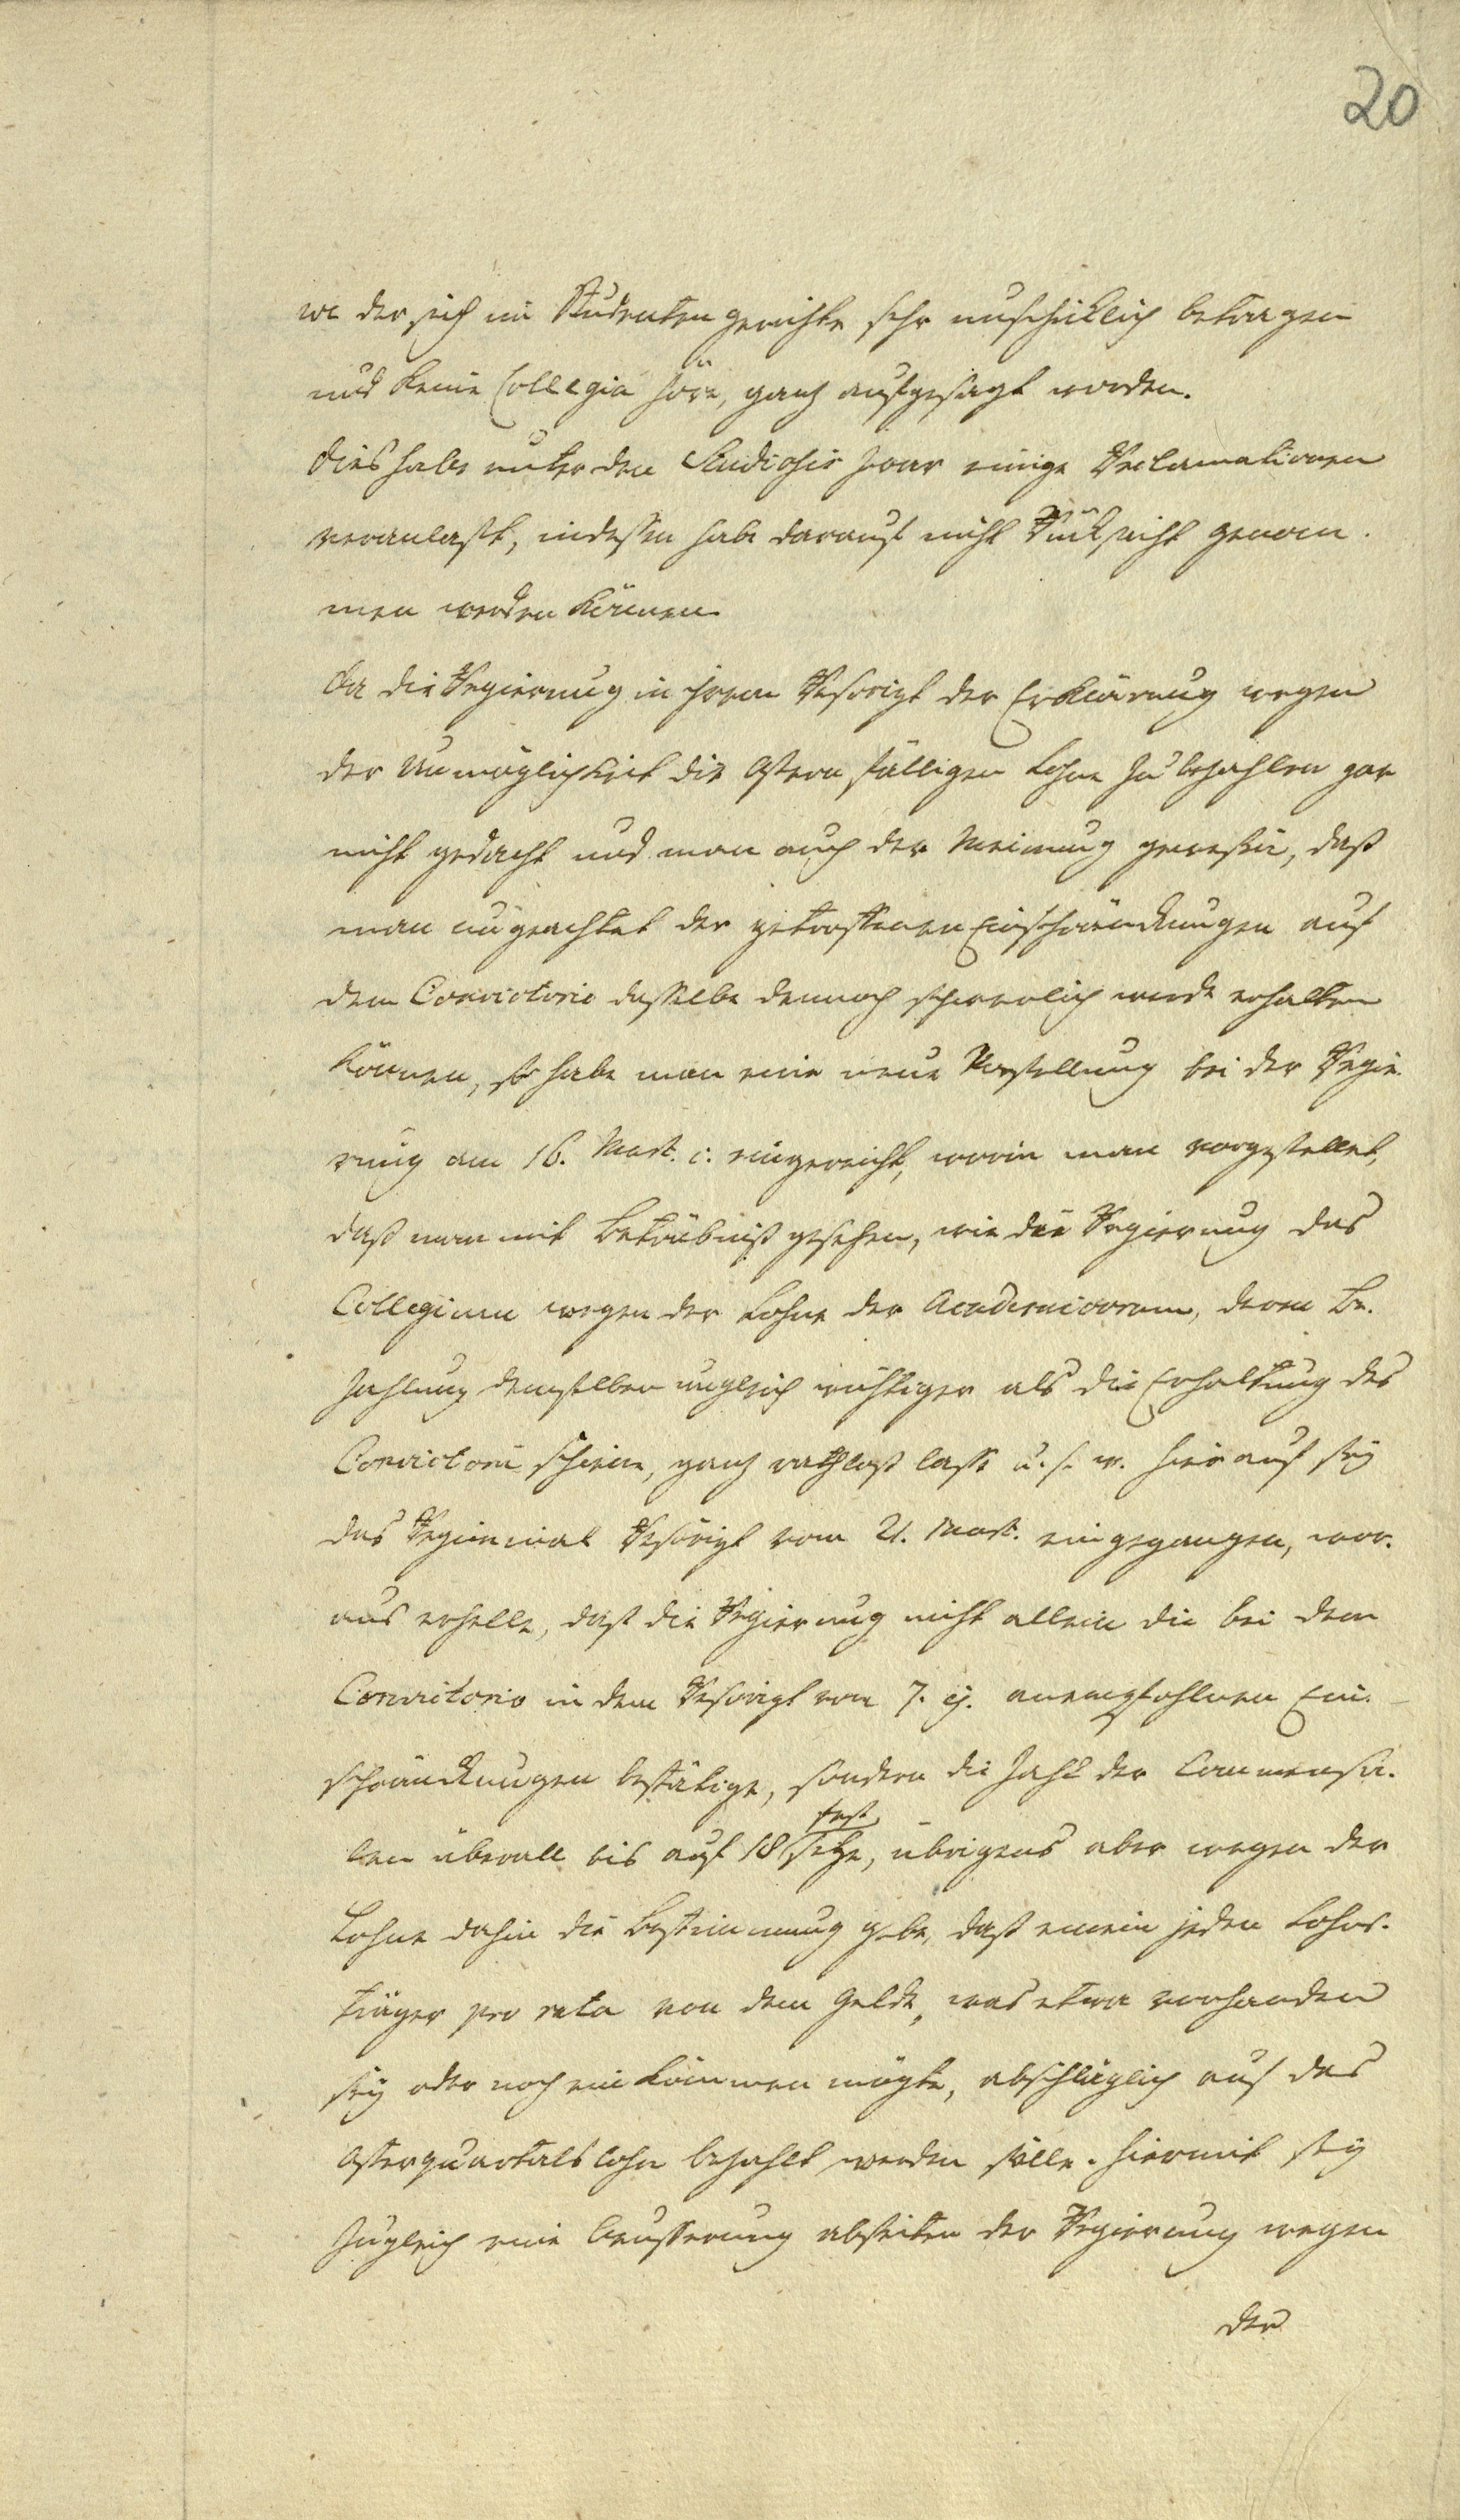we der sich im Studentengerichte sehr unschicklich betragen
und keine Collegia höre, ganz aufgesagt worden.
Dies habe unter den Studiosis zwar einige Reclamationen
veranlaßt, indessen habe darauf nicht Rücksicht genom¬
nen werden können.
Da die Regierung in ihrem Rescript der Erklärung wegen
der Unmöglichkeit die Ostern fälligen Lohne zu bezahlen gar
nicht gedacht und man auch der Meinung gewesen, daß
man ungeachtet der getroffenen Einschränkungen auf
dem Convictorio dasselbe dennoch schwerlich werde erhalten
können, so habe man eine neue Vorstellung bei der Regie¬
rung am 16. Mart. c. eingereicht, worin man vorgestellet,
daß man mit Betrübniß gesehen, wie die Regierung das
Collegium wegen der Lohne der Academicorum, deren Be¬
zahlung demselben ungleich wichtiger als die Erhaltung des
Convictorii schiene, ganz rathlos lasse u. s. w. hierauf seÿ
das Regiminal Rescript vom 21. Mart. eingegangen, wor¬
aus erhelle, daß die Regierung nicht allein die bei dem
Convictorio in dem Rescript vom 7. ej. anempfohlnen Ein¬
schränckungen bestätige, sondern die Wahl der Commensa¬
len überall bis auf 18 fest setze, übrigens aber wegen der
Lohne dahin die Bestimmung gebe, daß einem jeden Lohns¬
träger pro rata von dem Gelde, was etwa vorhanden
seÿ, oder noch einkommen mögte, abschläglich auf das
Osterquartalslohn bezahlt werden solle. Hiermit seÿ
zugleich eine Aeusserung abseiten der Regierung wegen
der